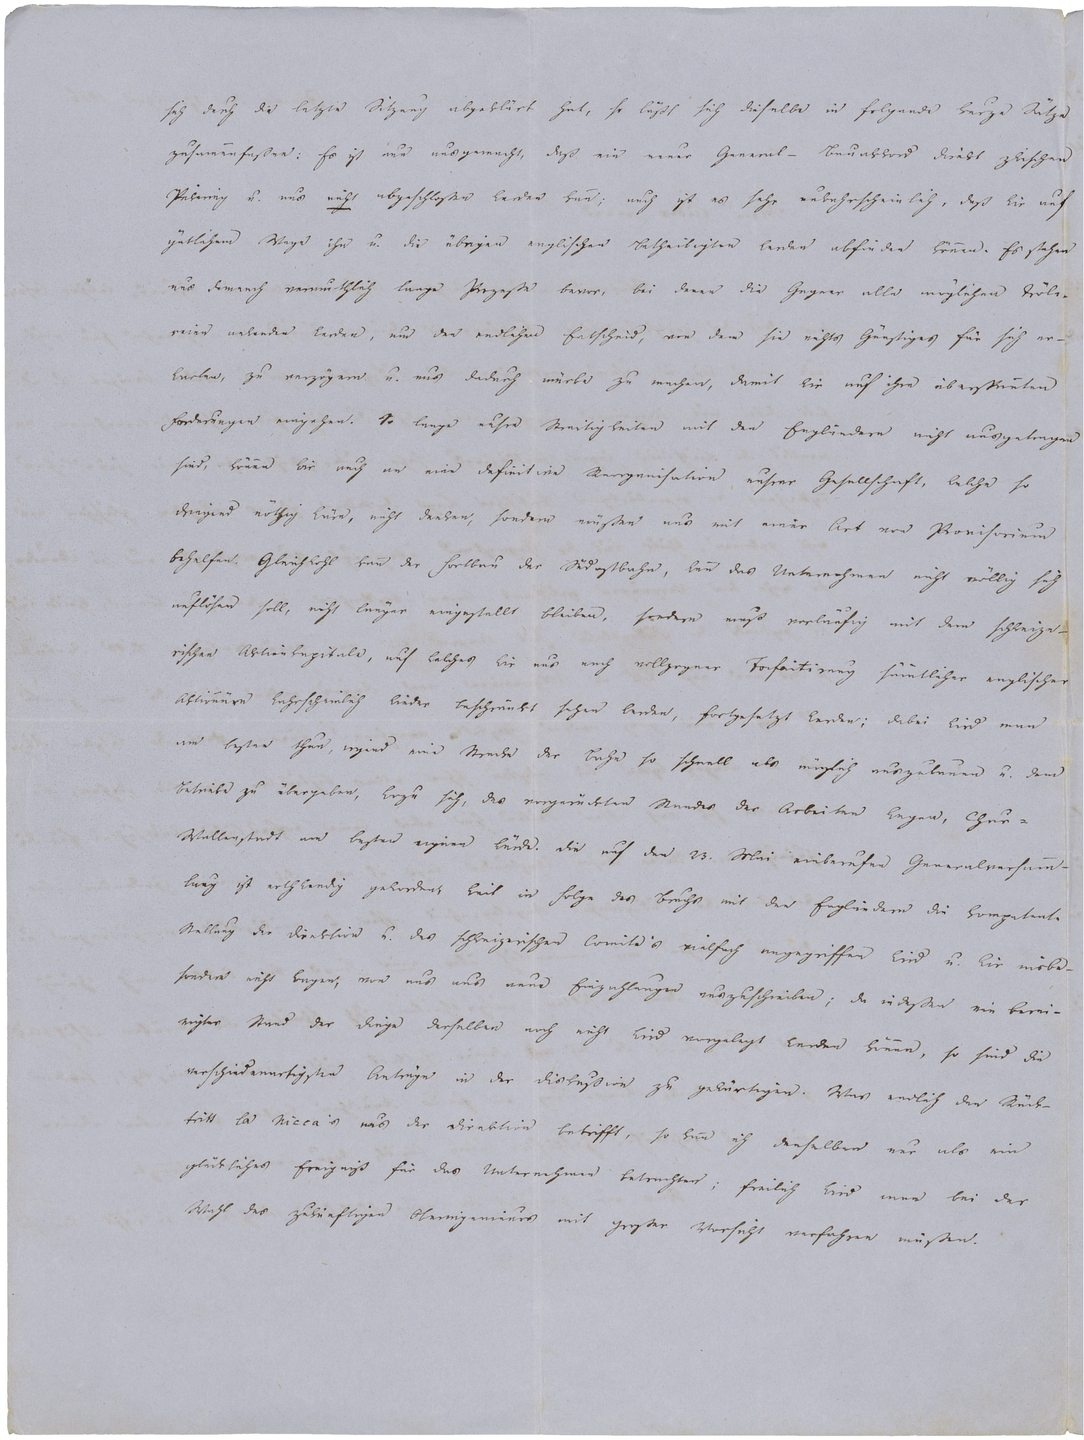sich durch die letzte Sitzung abgeklärt hat, so läßt sich dieselbe in folgende kurze Sätze
zusammenfassen: Es ist nun ausgemacht, daß ein neuer General-Bauakkord direkt zwischen
Pickering u. uns nicht abgeschloßen werden kann; auch ist es sehr unwahrscheinlich, daß wir auf
gütlichem Wege ihn u. die übrigen englischen Betheiligten werden abfinden können. Es stehen
uns demnach vermuthlich lange Prozeße bevor, bei denen die Gegner alle möglichen Tröle-
reien anwenden werden, um den endlichen Entscheid, von dem sie nichts Günstiges für sich er-
warten, zu verzögern u. uns dadurch mürbe zu machen, damit wir auf ihre überspannten
Forderungen eingehen. So lange unsre Streitigkeiten mit den Engländern nicht ausgetragen
sind, können wir auch an eine definitive Reorganisation unsrer Gesellschaft, welche so
dringend nöthig wäre, nicht denken, sondern müßen uns mit einer Art von Provisorium
behelfen. Gleichwohl kann der Fortbau der Südostbahn, wenn das Unternehmen nicht völlig sich
auflösen soll, nicht länger eingestellt bleiben, sondern muß vorläufig mit dem schweize-
rischen Aktienkapitale, auf welches wir uns nach vollzogner Forfaitirung sämmtlicher englischer
Aktionnäre wahrscheinlich wieder beschränkt sehen werden, fortgesetzt werden; dabei wird man
am besten thun, irgend eine Strecke der Bahn so schnell als möglich auszubauen u. dem
Betriebe zu übergeben, wozu sich, des vorgerückten Standes der Arbeiten wegen, Chur--
Wallenstadt am besten eignen würde. Die auf den 23. Mai einberufne Generalversamm-
lung ist nothwendig geworden, weil in Folge des Bruchs mit den Engländern die kompetente
Stellung der Direktion u. des schweizerischen Comite's vielfach angegriffen wird u. wir insbe-
sondere nicht wagen, von uns aus neue Einzahlungen auszuschreiben; da indeßen ein berei-
nigter Stand der Dinge derselben auch nicht wird vorgelegt werden können, so sind die
verschiedenartigsten Anträge in der Diskussion zu gewärtigen. Was endlich den Rück-
tritt La Nicca's aus der Direktion betrifft , so kann ich denselben nur als ein
glückliches Ereigniß für das Unternehmen betrachten; freilich wird man bei der
Wahl des zukünftigen Oberingenieurs mit großer Vorsicht verfahren müßen.